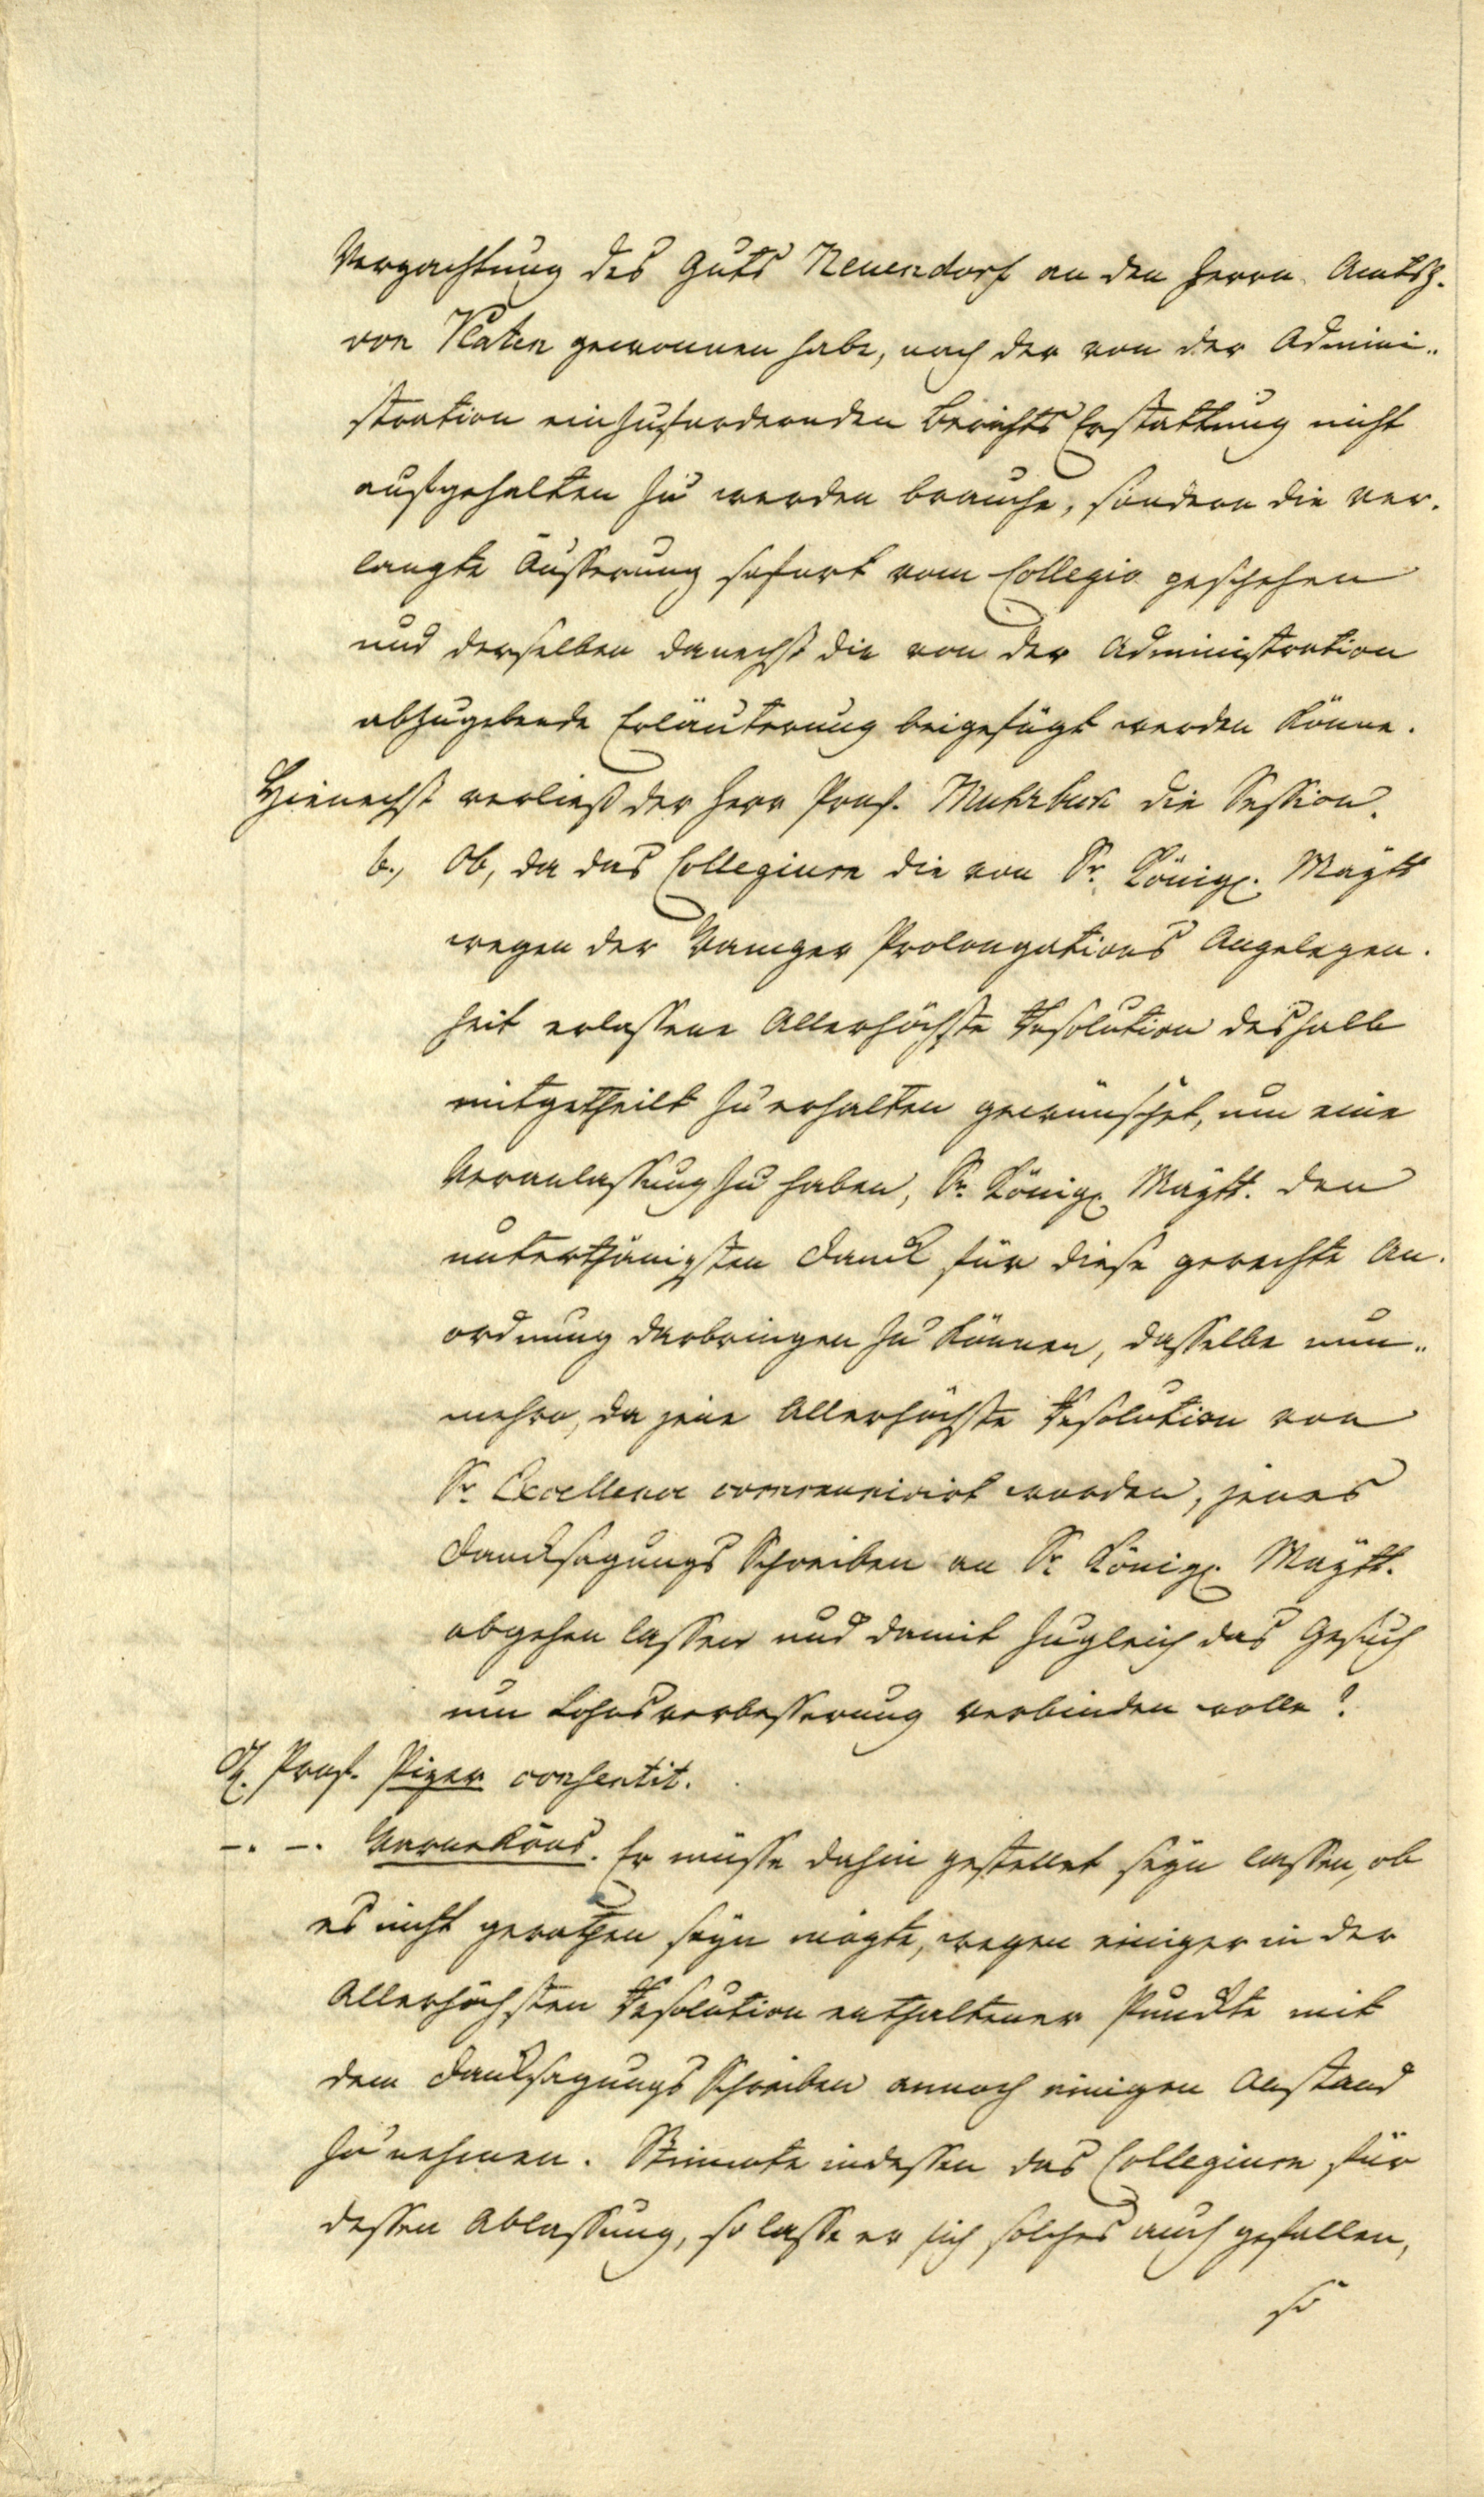Verpachtung des Guts Neuendorf an den Herrn Amtsh.
von Platen gewonnen habe, nach der von der Admini¬
stration einzufordernden Berichts Erstattung nicht
aufgehalten zu werden brauche, sondern die ver¬
langte Äusserung sofort vom Collegio geschehen
und derselben danechst die von der Administration
abzugebende Erläuterung beigefügt werden könne.
Hienechst verließ der Herr Prof. Muhrbeck die Session.
b., Ob, da das Collegium die von Sr Königl. Maÿtt.
wegen der Wamper Prolongations Angelegen¬
heit erlassene Allerhöchste Resolution deshalb
mitgetheilt zu erhalten gewünschet, um eine
Veranlassung zu haben, Sr Königl. Maÿtt. den
unterthänigsten Danck für diese gerechte An¬
ordnung darbringen zu können, dasselbe nun¬
mehro, da jene Allerhöchste Resolution von
Sr Excellence communicirt worden, jenes
Dancksagungs Schreiben an Sr Königl. Maÿtt.
abgehen lassen und damit zugleich das Gesuch
um LohnsVerbesserung verbinden wolle?
dh. Prof. Piper consentit.
Warnekros. Er müsse dahin gestellet seÿn lassen, ob
es nicht gerathen seÿn mögte, wegen einiger in der
Allerhöchsten Resolution enthaltener Punckte mit
dem Danksagungs Schreiben annoch einigen Anstand
zu nehmen. Stimmte indessen das Collegium für
dessen Ablassung, so lasse er sich solches auch gefallen,
so